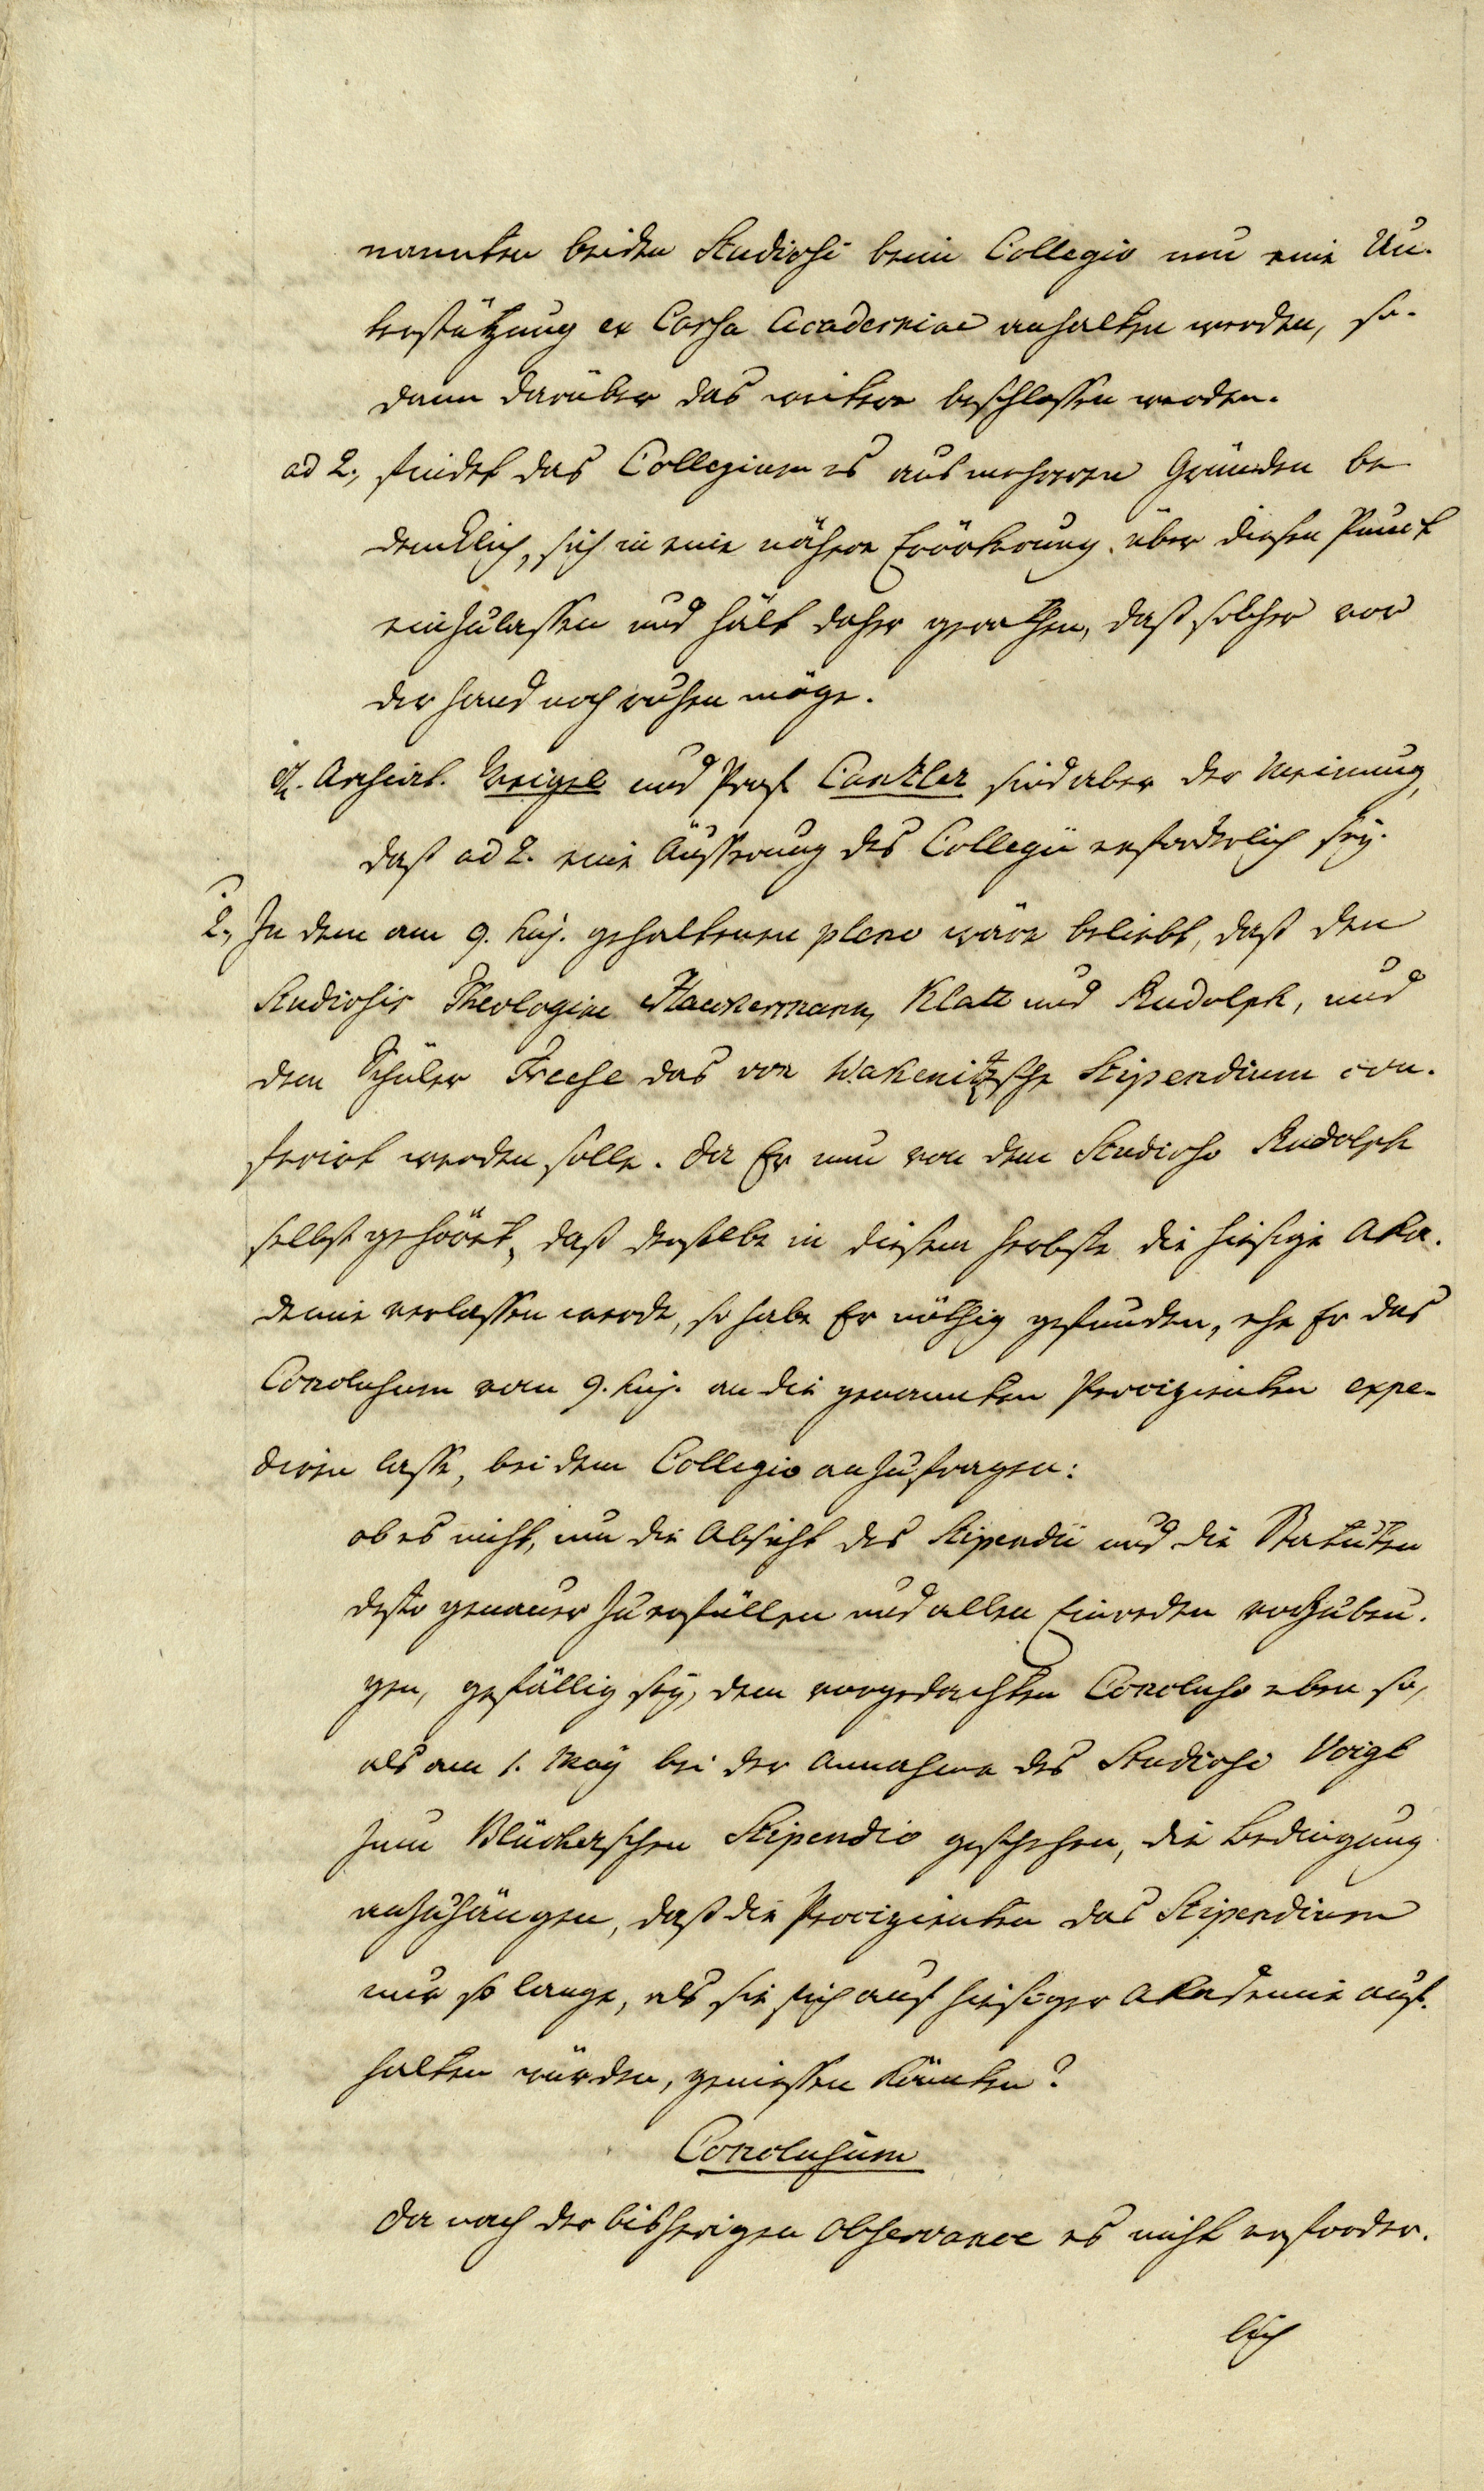nannten beiden Studiosi beim Collegio um eine Un¬
terstützung ex Cassa Academiae anhalten werden, so¬
dann darüber das weitere beschlossen werden.
ad 2., findet das Collegium es aus mehreren Gründen be¬
dencklich, sich in eine nähere Erörterung über diesen Punct
einzulassen und hält daher gerathen, daß solcher vor
der Hand noch ruhen möge.
dh. Archiat. Weigel und Prof. Canzler sind aber der Meinung,
daß ad 2. eine Äusserung des Collegii erforderlich seÿ.
2. In dem am 9. huj. gehaltenen pleno wäre beliebt, daß den
Studiosis Theologiae Haeckermann, Klatt und Rudolph, und
dem Schüler Freese das von Wakenitzsche Stipendium con¬
ferirt werden solle. Da Er nun von dem Studioso Rudolph
selbst gehöret, daß derselbe in diesem Herbste die hiesige Aka¬
demie verlassen werde, so habe Er nöthig gefunden, ehe Er das
Conclusum vom 9 huj. an die genannten Percipienten expe¬
diren lasse, bei dem Collegio anzufragen:
ob es nicht, um die Absicht des Stipendii und die Statuten
desto genauer zu erfüllen und allen Einreden vorzubeu¬
gen, gefällig seÿ, dem vorgedachten Concluso eben so,
als am 1. Maÿ bei der Annahme des Studiosi Voigt
zum Blücherschen Stipendio geschehen, die Bedingung
anzuhängen, daß die Percipienten das Stipendium
zur so lange, als sie sich auf hiesiger Akademie auf¬
halten würden, geniessen könnten?
Conclusum
Da nach der bisherigen Observance es nicht erforder¬
lich